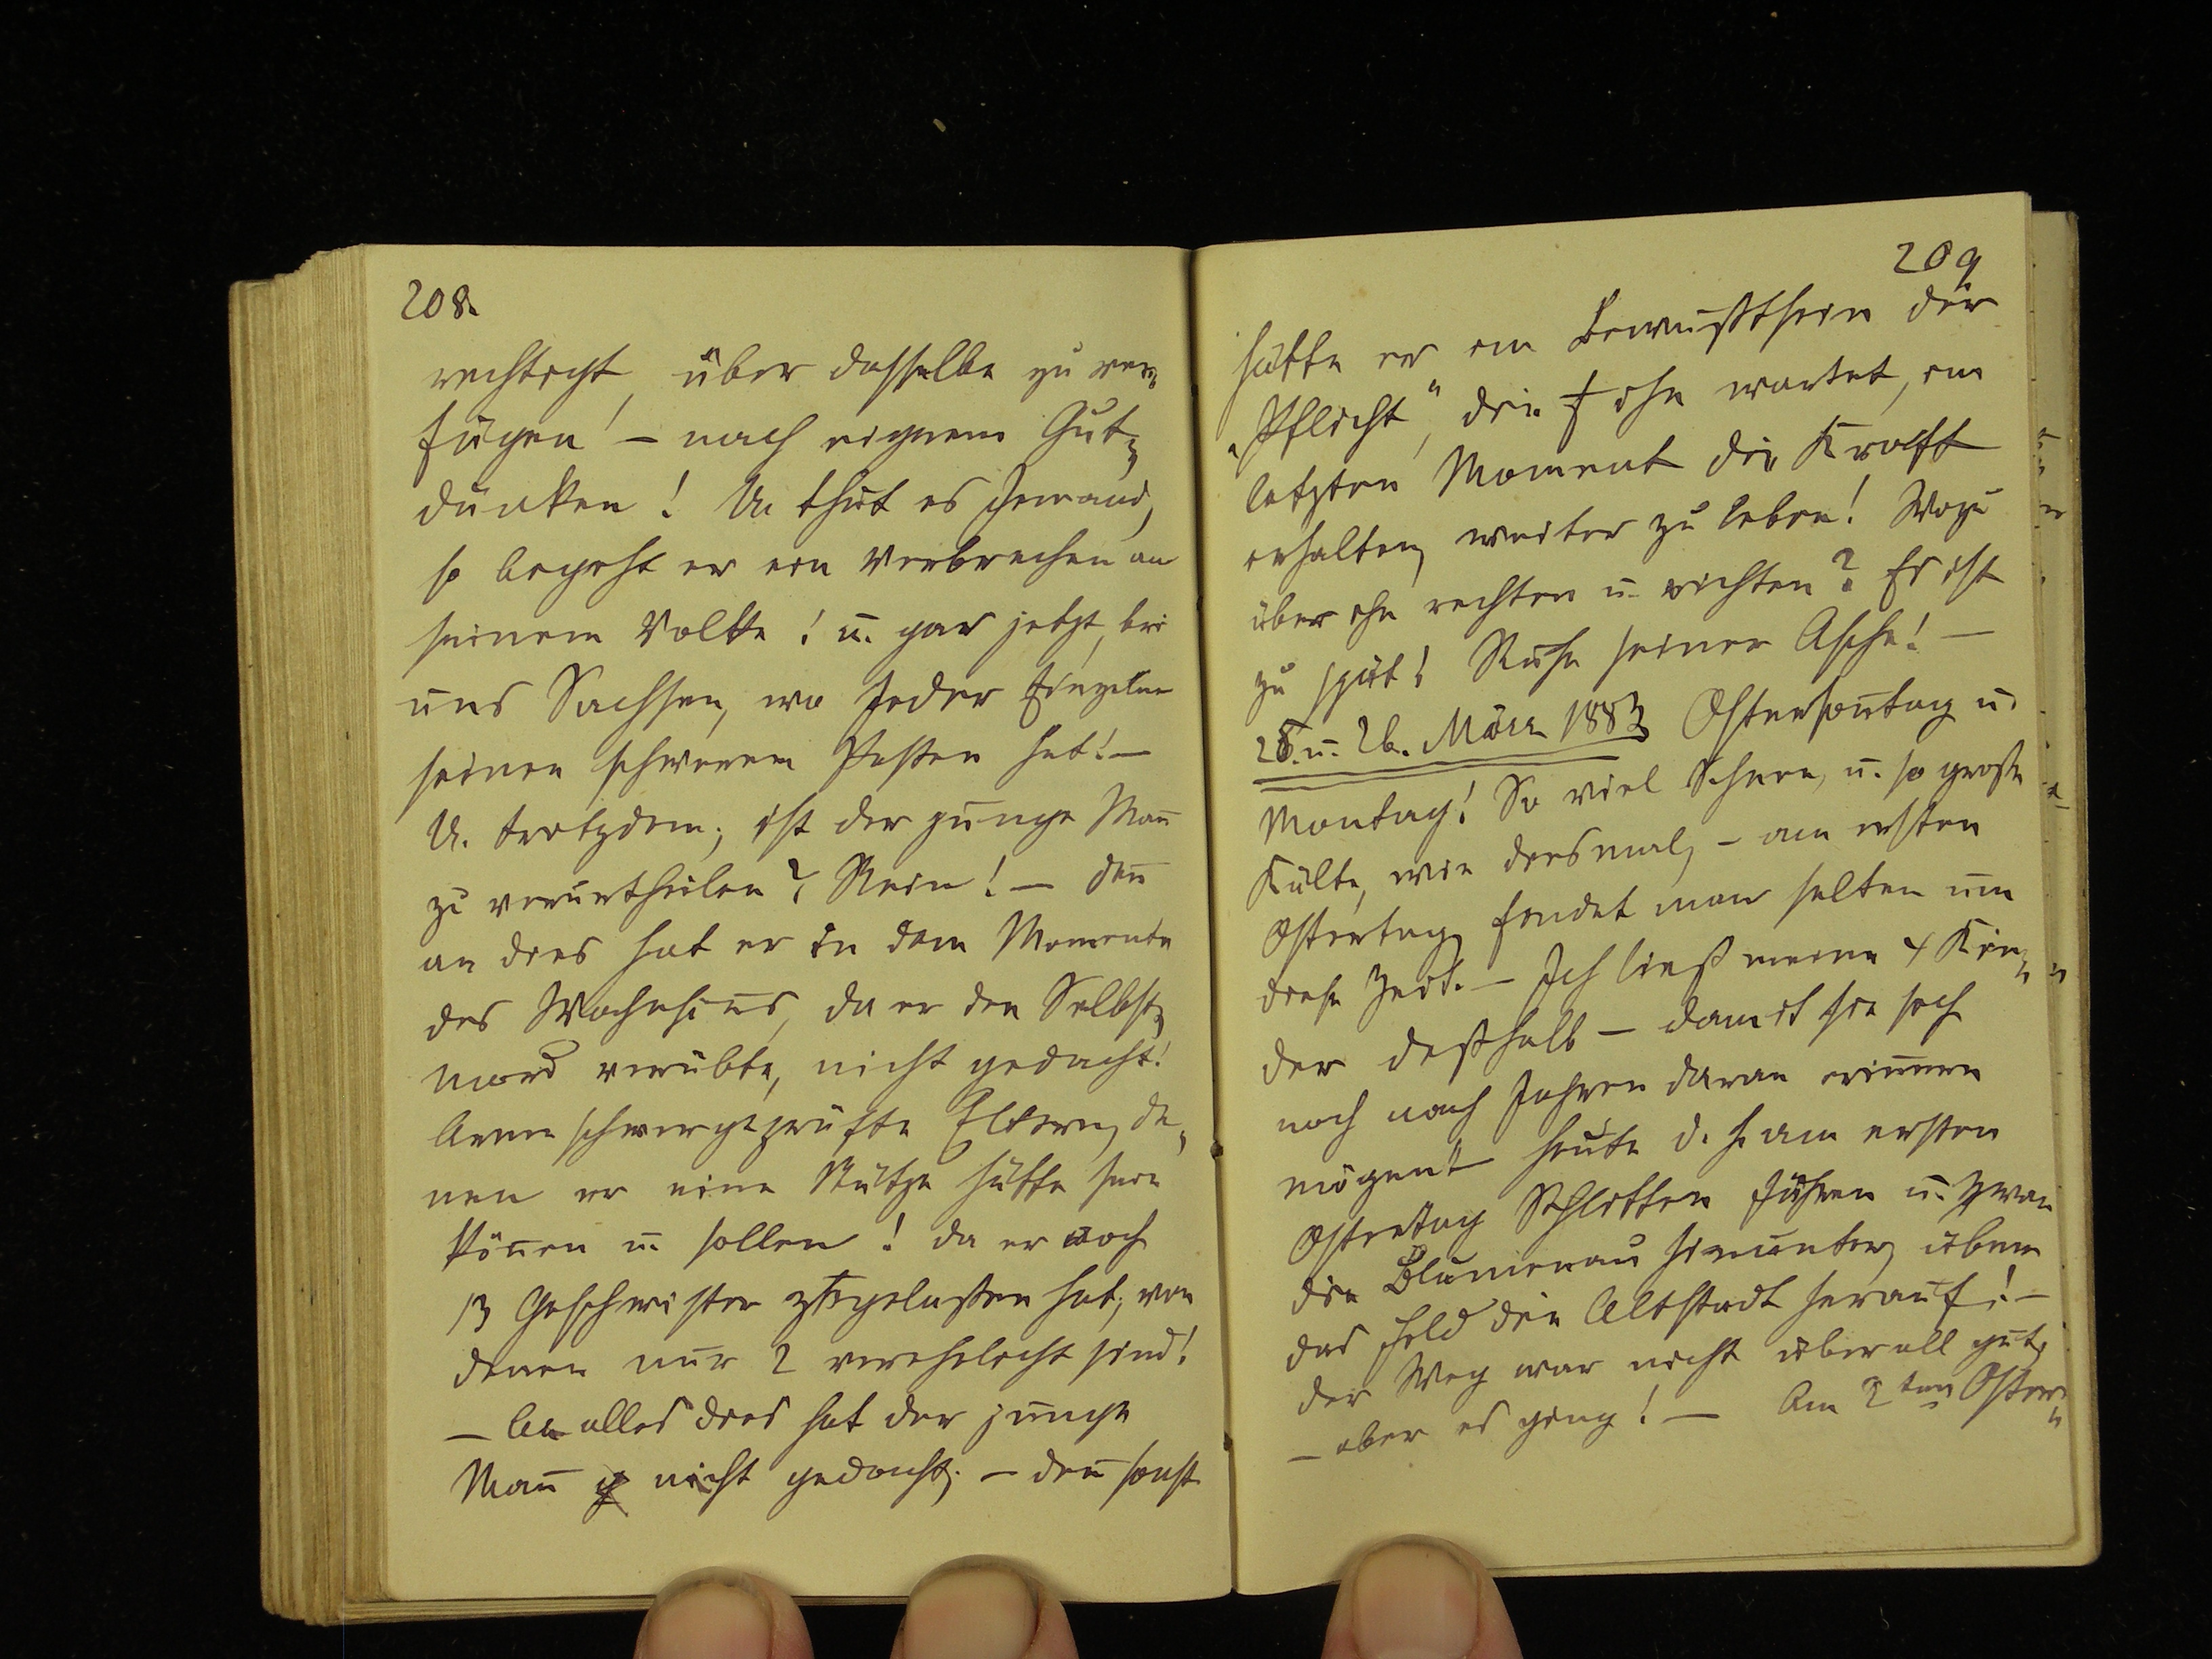208
über dasselbe zu ver¬
fügen !- nach eigenem Gut¬
dünken ! –Und tuth es Jemand,
so begeht er ein Verbrechen an
seinem Volke!- und gar jetzt, bei
uns Sachsen, wo jeder Einzelne
seinen schweren Posten hat!-
Und trotzdem, ist der junge Mann
zu verurtheilen ? Nein !- denn
an dies hat er in dem Moment
des Wahnsinns da er den Selbst¬
mord verübte, nicht gedacht !-
Denn schwergeprüften Eltern de¬
nen er eine Stütze hätte sein
können und sollen ! Da er noch
13 Geschwister zurückgelassen hat, von
denen nur 2 verehelicht sind!
–An alles das hat der junge
Mann nicht gedacht. Denn sonst
209
hätte er im Bewußtsein der
„Pflicht“, die auf ihn wartet, im
letzten Moment die Kraft
erhalten weiter zu leben!- Wozu
über ihn richten und wichten ? Es ist
zu spät! Ruhe seiner Asche! -
25. und 26. März 1883. Ostersonntag und
Montag !- So viel Schnee und so große
Kälte, wie diesmal- am ersten
Ostertag findet man selten um
diese Zeit.- Ich ließ meine 4 Kin¬
der deshalb- damit sie sich
noch nach Jahren daran erinnern
mögen—heute an diesem ersten
Ostertag Schlitten fahren und zwar
die Blumenau hinunter über
das Feld die Altstadt herauf!—
Der weg war nicht überall gut
-aber es ging!—Am 2-ten Oster